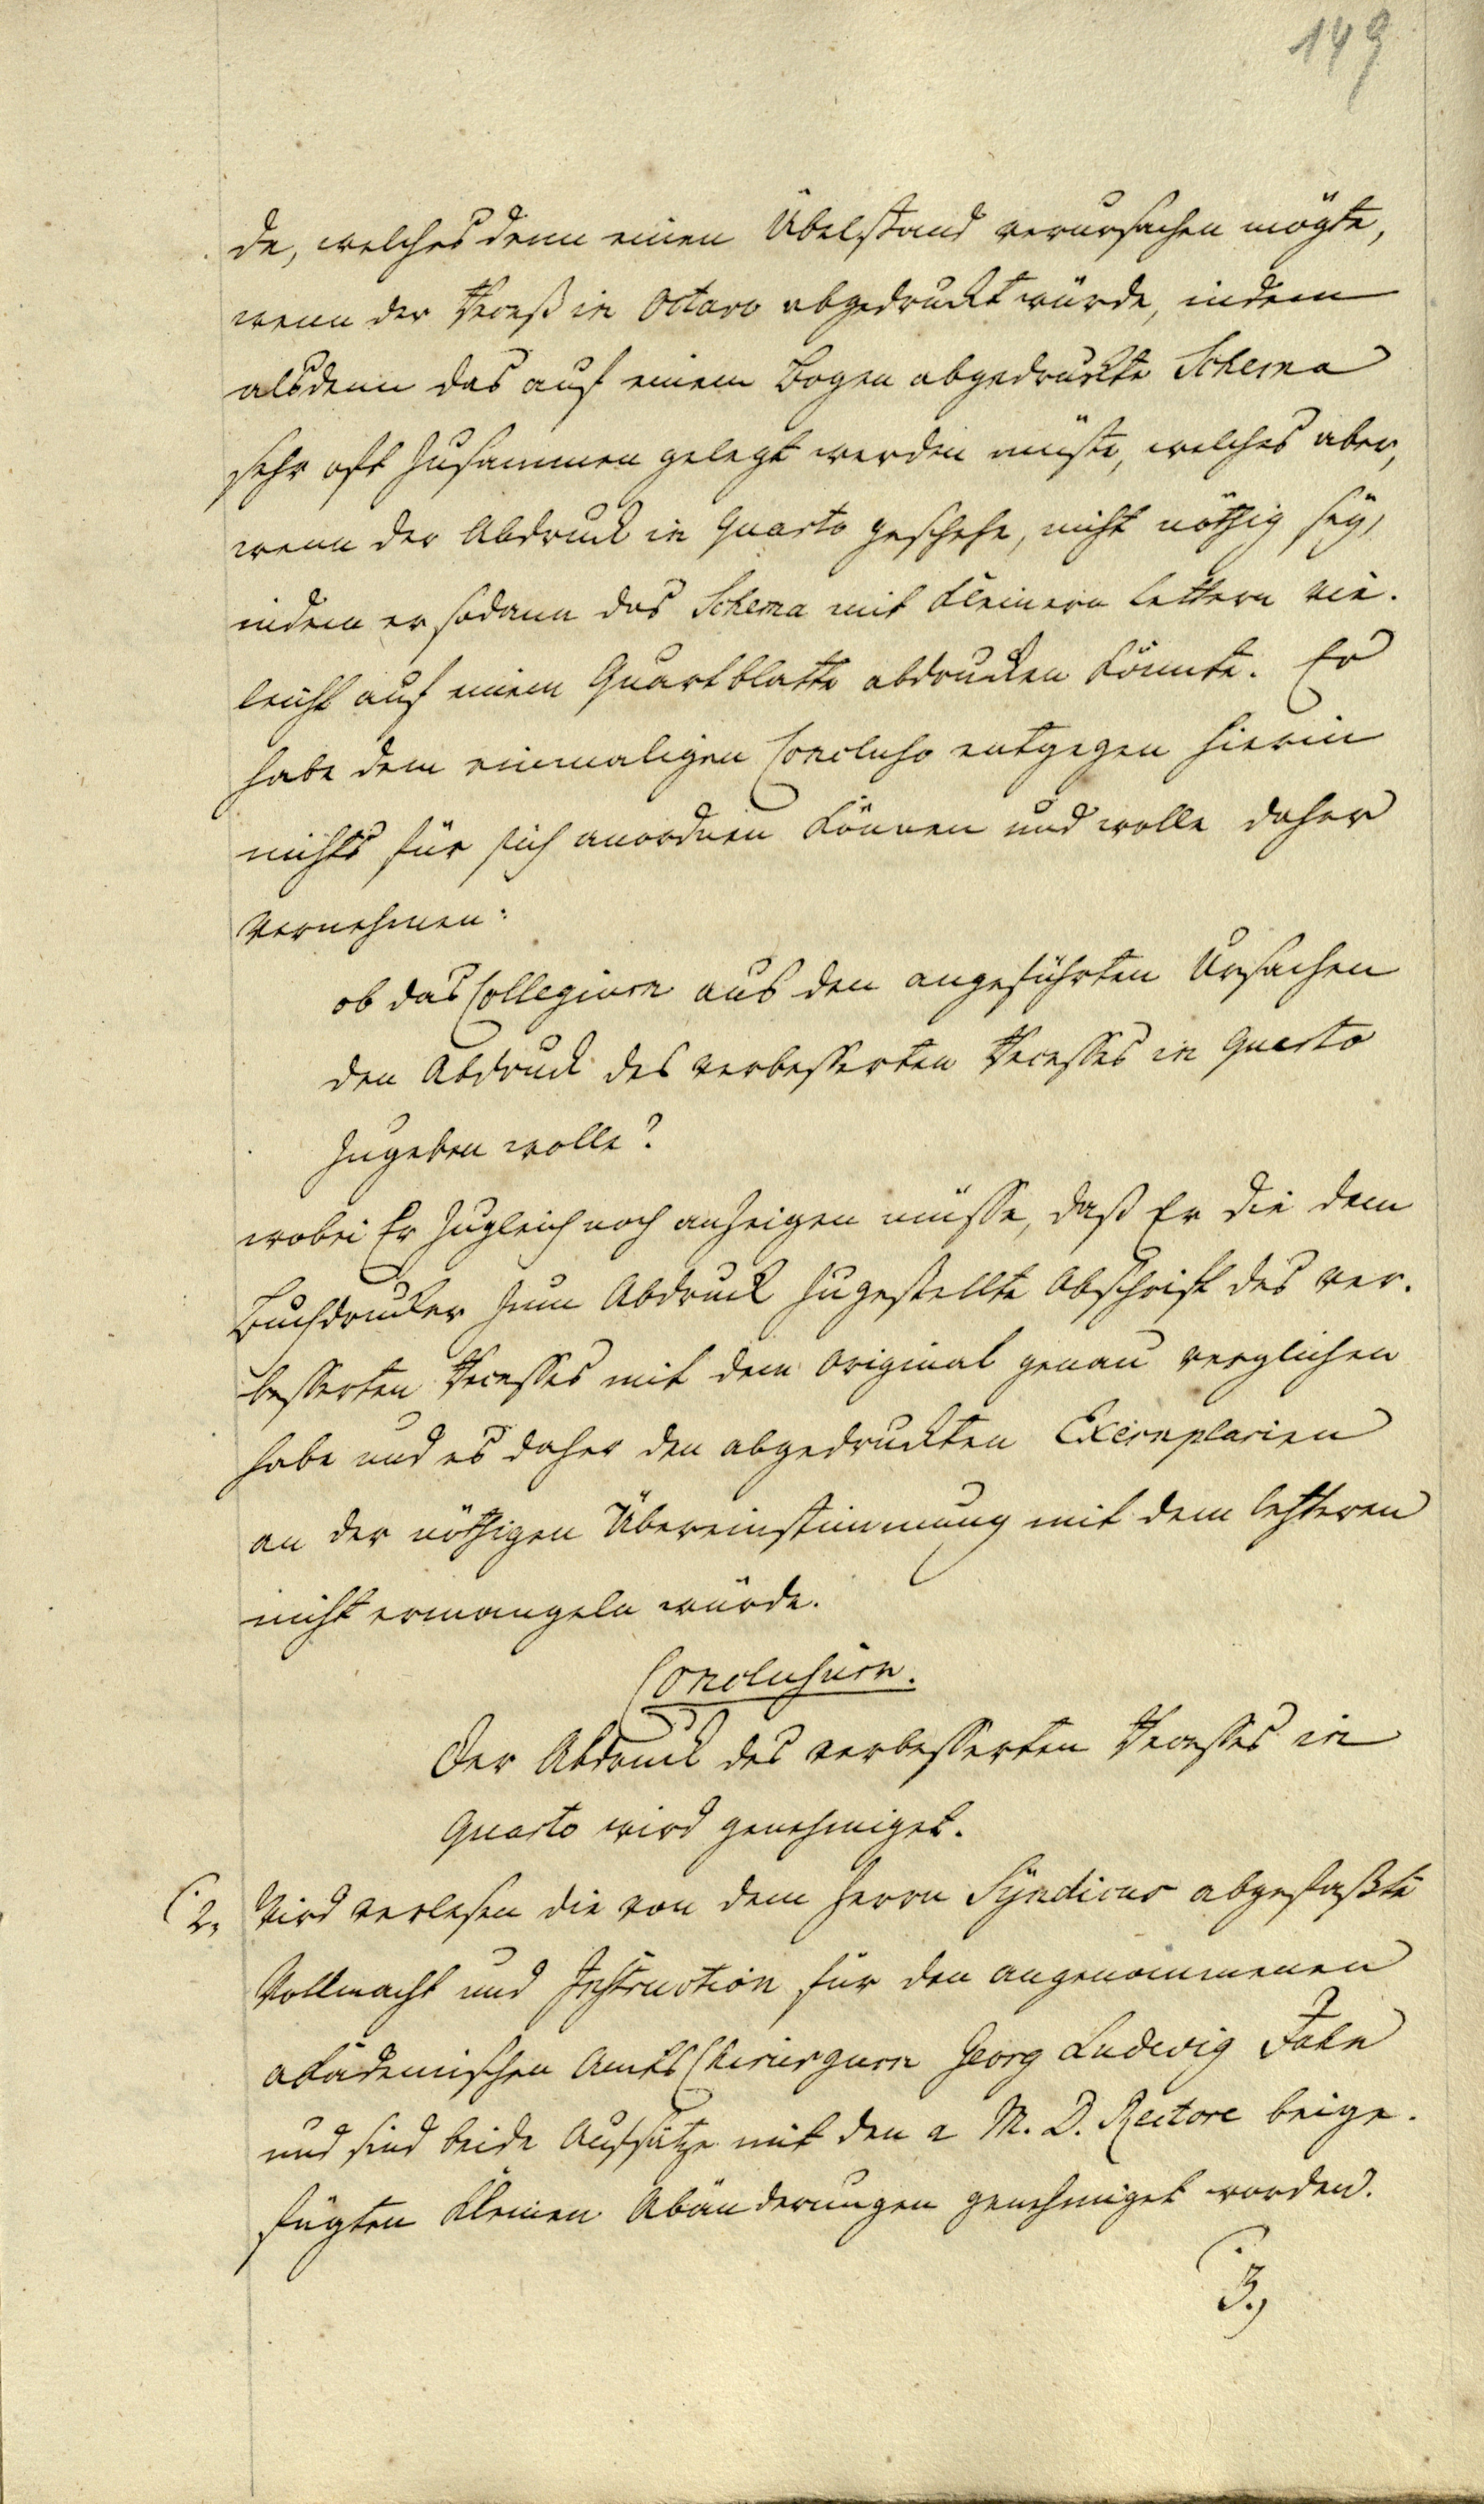de, welches denn einen Übelstand verursachen mögte,
wenn der Receß in Octavo abgedruckt würde, indem
alsdenn das auf einem Bogen abgedruckte Schema
sehr oft zusammen gelegt werden müßte, welches aber,
wenn der Abdruck in Quarto geschehe, nicht nöthig seÿ,
indem er sodann das Schema mit kleinern Lettern vie¬
leicht auf einem Quartblatte abdrucken könnte. Er
habe dem einmaligen Concluso entgegen hierin
nichts für sich anordnen können und wolle daher
vernehmen:
ob das Collegium aus den angeführten Ursachen
den Abdruck des verbesserten Recesses in Quarto
zugeben wolle?
wobei Er zugleich noch anzeigen müsse, daß Er die dem
Buchdrucker zum Abdruck zugestellte Abschrift des ver¬
besserten Recesses mit dem Original genau verglichen
habe und es daher den abgedruckten Exemplarien
an der nöthigen Übereinstimmung mit dem letzteren
nicht ermangeln würde.
Conclusum.
Der Abdruck des verbesserten Recesses in
Quarto wird genehmiget
2. Wird verlesen die von dem Herrn Sÿndicus abgefaßte
Vollmacht und Instruction für den angenommenen
akademischen AmtsChirurgum Georg Ludwig Jahn
und sind beide Aufsätze mit den a M. D. Rectore beige¬
fügten kleinen Abänderungen genehmiget worden.
3.,